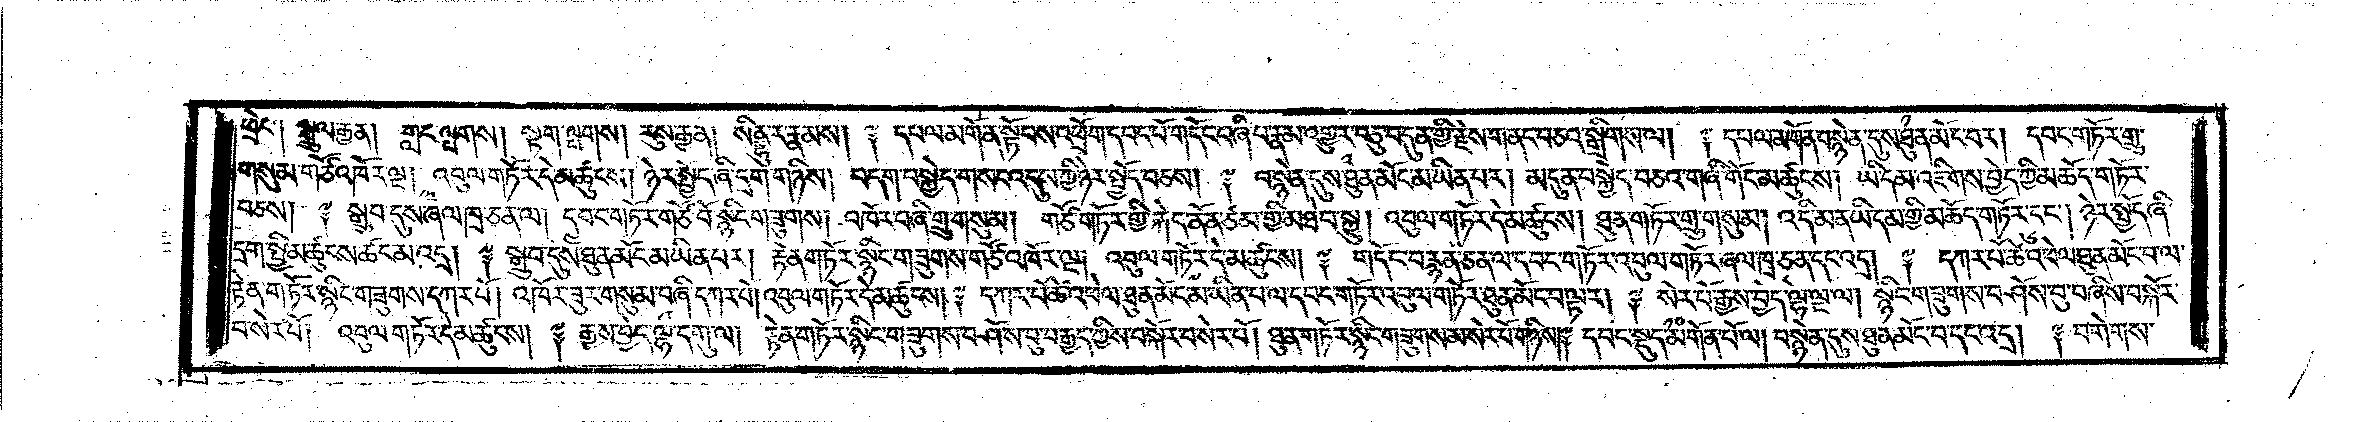ཕྲེང་། སྤྲུལ་རྒྱན། གླང་ལྤགས། སྟག་ལྤགས། རུས་རྒྱན། སིནྡྷུ་ར་རྣམས། ༈ དཔལ་མགོན་སྟོབས་འཕྲོག་དབང་པོ་གདོང་བཞི་པ་རྣམ་འགྱུར་བཅུ་བདུན་གྱི་རྗེས་གནང་བཅའ་སྒྲིགས་ལ། ༈ དཔལ་མགོན་བསྙེན་དུས་ཐུན་མོང་བར། དབང་གཏོར་གྲུ་
གསུམ་གཙོ་འཁོར་ལྔ། འབུལ་གཏོར་དེ་མཚུངས། ཉེར་སྤྱོད་ཞི་དྲག་གཉིས། བདག་བསྐྱེད་གསང་འདུས་ཀྱི་ཉེར་སྤྱོད་བཅས། ༈ བསྙེན་དུས་ཐུན་མོང་མ་ཡིན་པར། མདུན་བསྐྱེད་བཅའ་གཞི་གོང་མཚུངས། ཡི་དམ་འཇིགས་བྱེད་ཀྱི་མཆོད་གཏོར་
བཅས། ༈ སྒྲུབ་དུས་ཞལ་ཁྲ་ཅན་ལ། དབང་གཏོར་གཙོ་བོ་སྙིང་གཟུགས། འཁོར་བཞི་གྲུ་གསུམ། གཙོ་གཏོར་གྱི་རྐེད་ནོན་ཙམ་གྱི་མཐེ་བ་སྐྱུ། འབུལ་གཏོར་དེ་མཚུངས། ཐུན་གཏོར་གྲུ་གསུམ། འདི་མན་ཡི་དམ་གྱི་མཆོད་གཏོར་དང་། ཉེར་སྤྱོད་ཞི་
དྲག་སྤྱི་མཚུངས་ཚང་མ་འདྲ། ༈ སྒྲུབ་དུས་ཐུན་མོང་མ་ཡིན་པར། རྟེན་གཏོར་སྙིང་གཟུགས་གཙོ་འཁོར་ལྔ། འབུལ་གཏོར་དེ་མཚུངས། ༈ གདོང་བརྙན་ཅན་ལ་དབང་གཏོར་འབུལ་གཏོར་ཞལ་ཁྲ་ཅན་དང་འདྲ། ༈ དཀར་པོ་ཚེ་འཕེལ་ཐུན་མོང་བ་ལ་
རྟེན་གཏོར་སྙིང་གཟུགས་དཀར་པོ། འཁོར་ཟུར་གསུམ་བཞི་དཀར་གོ་འབུལ་གཏོར་དེ་མཚུངས། ༈ དཀར་པོ་ཚེ་འཕེལ་ཐུན་མོང་མ་ཡིན་པ་ལ་དབང་གཏོར་འགུལ་གཏོར་ཐུན་མོང་པ་ལྟར། ༈ སེར་པོ་རྒྱས་བྱེད་ལྷ་ལྔ་ལ། སྙིང་གཟུགས་བཤོས་བུ་བཞིས་བསྐོར་
བ་སེར་པོ། འབུལ་གཏོར་དེ་མཚུངས། ༈ རྒྱས་བྱེད་ལྷ་དགུ་ལ། རྟེན་གཏོར་སྙིང་གཟུགས་བཤོས་བུ་བརྒྱད་ཀྱིས་བསྐོར་བ་སེར་པོ། ཐུན་གཏོར་སྙིང་གཟུགས་མ་སེར་པོ་གཉིས། ༈ དབང་སྡུད་མགོན་པོ་ལ། བསྙེན་དུས་ཐུན་མོང་བ་དང་འདྲ། ༈ བགེགས་